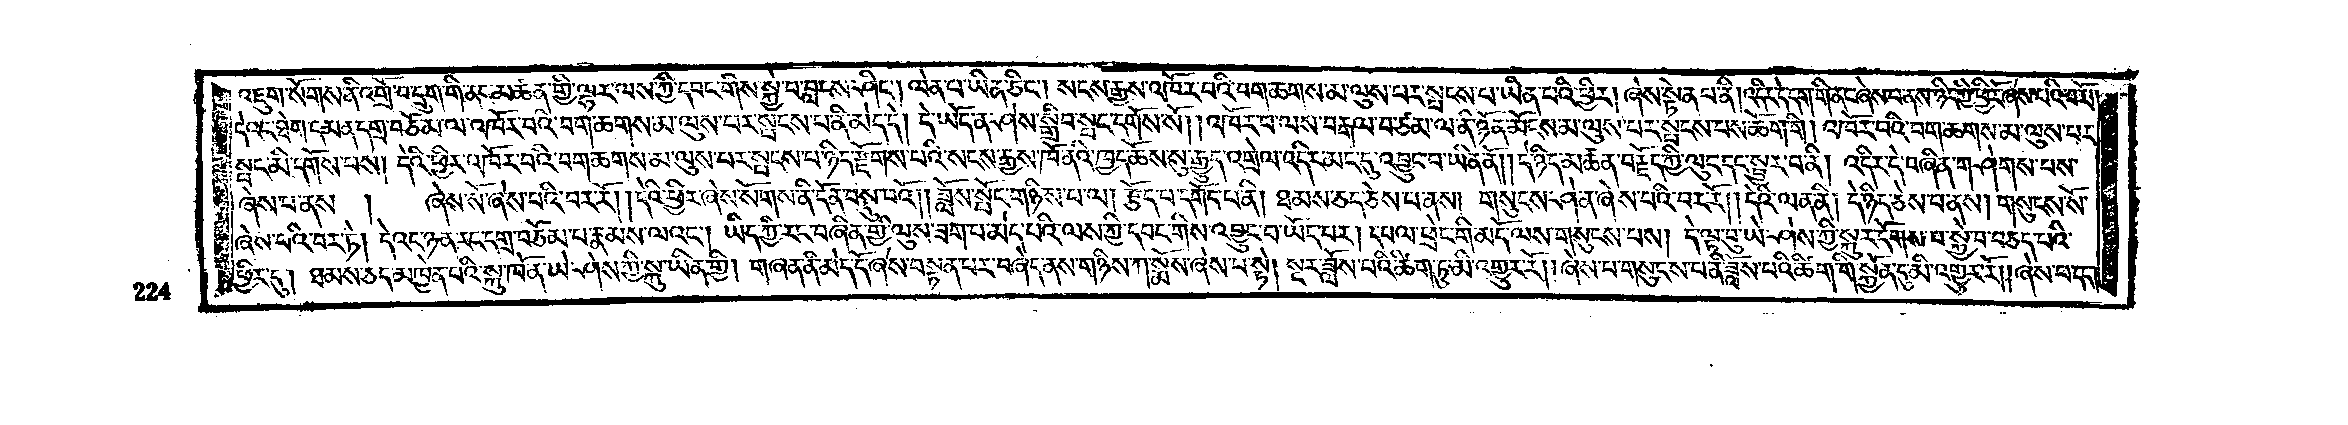འཇུག་སོགས་ནི་འགྲོ་བ་དྲུག་གི་ནང་མཚན་གྱི་ལྷར་ལས་ཀྱི་དབང་གིས་སྐྱེ་བ་བླངས་ཤིང་། ལེན་པ་ཡིན་ཅིང་། སངས་རྒྱས་འཁོར་བའི་བག་ཆགས་མ་ལུས་པར་སྤངས་པ་ཡིན་པའི་ཕྱིར། ཞེས་སྟོན་པ་ནི། འདིར་དེ་དག་གི་ནང་ཞེས་པ་ནས་ཉིད་ཀྱི་ཕྱིར་རོ་ཞེས་པའི་བོར། །
དེའང་ཐེག་དམན་དགྲ་བཅོམ་ལ་འཁོར་བའི་བག་ཆགས་མ་ལུས་པར་སྤངས་པ་ནི་མེད་དེ། དེ་ཡོད་ན་ཤེས་སྒྲིབ་སྤངས་དགོས་སོ། །འཁོར་བ་ལས་བརྒལ་བ་ཙམ་ལ་ནི་ཉོན་མོངས་མ་ལུས་པར་སྤངས་པས་ཆོག་གི། འཁོར་བའི་བག་ཆགས་མ་ལུས་པར་
སྤང་མི་དགོས་པས། དེའི་ཕྱིར་འཁོར་བའི་བག་ཆགས་མ་ལུས་པར་སྤངས་པ་ཉིད་རྫོགས་པའི་སངས་རྒྱས་ཁོ་ནའི་ཁྱད་ཆོས་སུ་རྒྱུད་འགྲེལ་འདིར་མང་དུ་འབྱུང་བ་ཡིན་ནོ། །དེ་ཉིད་མཚན་བརྗོད་ཀྱི་ལུང་དང་སྦྱར་བ་ནི། འདིར་དེ་བཞིན་གཤེགས་པས་
ཞེས་པ་ནས། ཞེས་སོ་ཞེས་པའི་བར་རོ། །དེའི་ཕྱིར་ཞེས་སོགས་ནི་དོན་བསྡུ་བའོ། །ཟློས་སྤོང་གཉིས་པ་ལ། རྩོད་པ་དགོད་པ་ནི། ཐམས་ཅད་ཅེས་པ་ནས། གསུངས་ཤི་ན་ཞེས་པའི་བར་རོ། །དེའི་ལན་ནི། དེ་ཉིད་ཅེས་པ་ནས། གསུངས་སོ་
ཞེས་པའི་བར་ཏེ། དེའང་ཉན་རང་དགྲ་བཅོམ་པ་རྣམས་ལའང་། ཡིད་ཀྱི་རང་བཞིན་གྱི་ལུས་ཟག་པ་མེད་པའི་ལས་ཀྱི་དབང་གིས་འབྱུང་བ་ཡོད་པར། དཔལ་ཕྲེང་གི་མདོ་ལས་གསུངས་པས། དེ་ལྟ་བུ་ཡེ་ཤེས་ཀྱི་སྐུར་དོགས་པ་སྐྱེ་བ་བཅད་པའི་
ཕྱིར་དུ། ཐམས་ཅད་མཁྱེན་པའི་སྐུ་ཁོ་ན་ཡེ་ཤེས་ཀྱི་སྐུ་ཡིན་གྱི། གཞན་ནི་མེད་དོ་ཞེས་བསྟན་པར་བཞེད་ནས་གཉིས་ཀ་སྨོས་ཞེས་པ་སྟེ། སྔར་ཟློས་པའི་ཚིག་ཏུ་མི་འགྱུར་རོ། །ཞེས་པ་གསུངས་པ་ནི་ཟློས་པའི་ཚིག་གི་སྐྱོན་དུ་མི་འགྱུར་རོ། །ཞེས་པ་དང་།